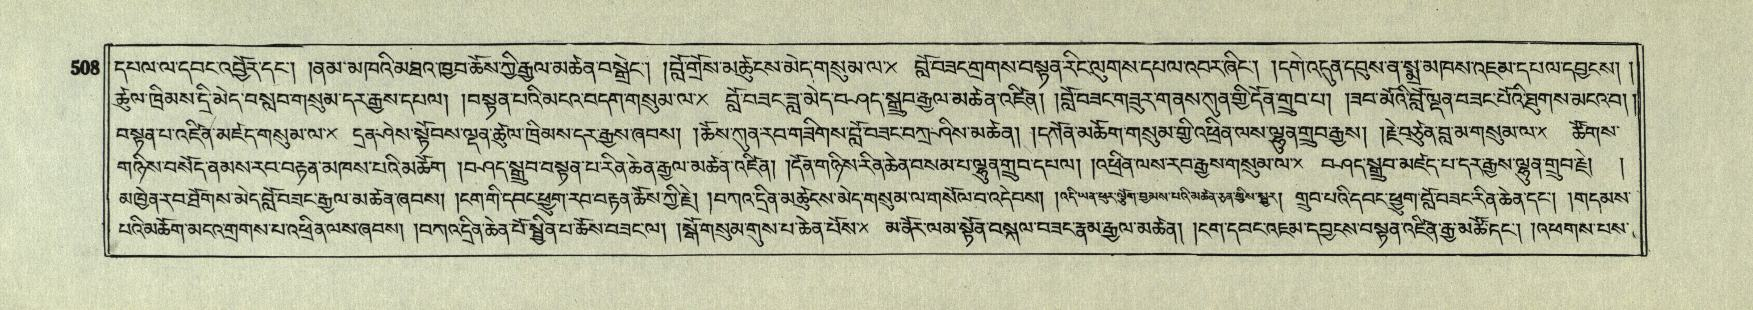དཔལ་ལ་དབང་འབྱོར་དང་། །ནམ་མཁའི་མཐའ་ཁྱབ་ཆོས་ཀྱི་རྒྱལ་མཚན་བསྒྲེང་། །བློ་གྲོས་མཚུངས་མེད་གསུམ་ལ་྾་བློ་བཟང་གྲགས་བསྟན་རིང་ལུགས་དཔལ་འབར་ཞིང་། །དགེ་འདུན་དབུས་ན་སྨྲ་མཁས་འཇམ་དཔལ་དབྱངས། །
ཚུལ་ཁྲིམས་དྲི་མེད་བསླབ་གསུམ་དར་རྒྱས་དཔལ། །བསྟན་པའི་མངའ་བདག་གསུམ་ལ་྾་བློ་བཟང་ཟླ་མེད་བཤད་སྒྲུབ་རྒྱལ་མཚན་འཛིན། །བློ་བཟང་གཟུར་གནས་ཀུན་གྱི་དོན་གྲུབ་པ། །ཟབ་མོའི་བློ་ལྡན་བཟང་པོའི་ཐུགས་མངའ་བ།།
བསྟན་པ་འཛིན་མཛད་གསུམ་ལ་྾་དྲན་ཤེས་སྟོབས་ལྡན་ཚུལ་ཁྲིམས་དར་རྒྱས་ཞབས། །ཆོས་ཀུན་རབ་གཟིགས་བློ་བཟང་བཀྲ་ཤིས་མཚན། །དཀོན་མཆོག་གསུམ་གྱི་འཕྲིན་ལས་ལྷུན་གྲུབ་རྒྱས། །རྗེ་བཙུན་བླ་མ་གསུམ་ལ་྾་ཚོགས་
གཉིས་བསོད་ནམས་རབ་བརྟན་མཁས་པའི་མཆོག །བཤད་སྒྲུབ་བསྟན་པ་རིན་ཆེན་རྒྱལ་མཚན་འཛིན། །དོན་གཉིས་རིན་ཆེན་བསམ་པ་ལྷུན་གྲུབ་དཔལ། །འཕྲིན་ལས་རབ་རྒྱས་གསུམ་ལ་྾་བཤད་སྒྲུབ་མཛད་པ་དར་རྒྱས་ལྷུན་གྲུབ་རྗེ། །
མཁྱེན་རབ་ཐོགས་མེད་བློ་བཟང་རྒྱལ་མཚན་ཞབས། །ངག་གི་དབང་ཕྱུག་རབ་བརྟན་ཆོས་ཀྱི་རྗེ། །བཀའ་དྲིན་མཚུངས་མེད་གསུམ་ལ་གསོལ་བ་འདེབས། ། འདི་ཡན་ཕུར་ལྕོག་བྱམས་པའི་མཚན་ཅན་གྱིས་སྦྱར།  གྲུབ་པའི་དབང་ཕྱུག་བློ་བཟང་རིན་ཆེན་དང་། །གདམས་
པའི་མཆོག་མངའ་གྲགས་པ་འཕྲིན་ལས་ཞབས། །བཀའ་དྲིན་ཆེན་པོ་སྦྱིན་པ་ཆོས་བཟང་ལ། །སྒོ་གསུམ་གུས་པ་ཆེན་པོས་྾་མ་ནོར་ལམ་སྟོན་བསྐལ་བཟང་རྣམ་རྒྱལ་མཚན། །ངག་དབང་འཇམ་དབྱངས་བསྟན་འཛིན་རྒྱ་མཚོ་དང་། །འཕགས་པས་